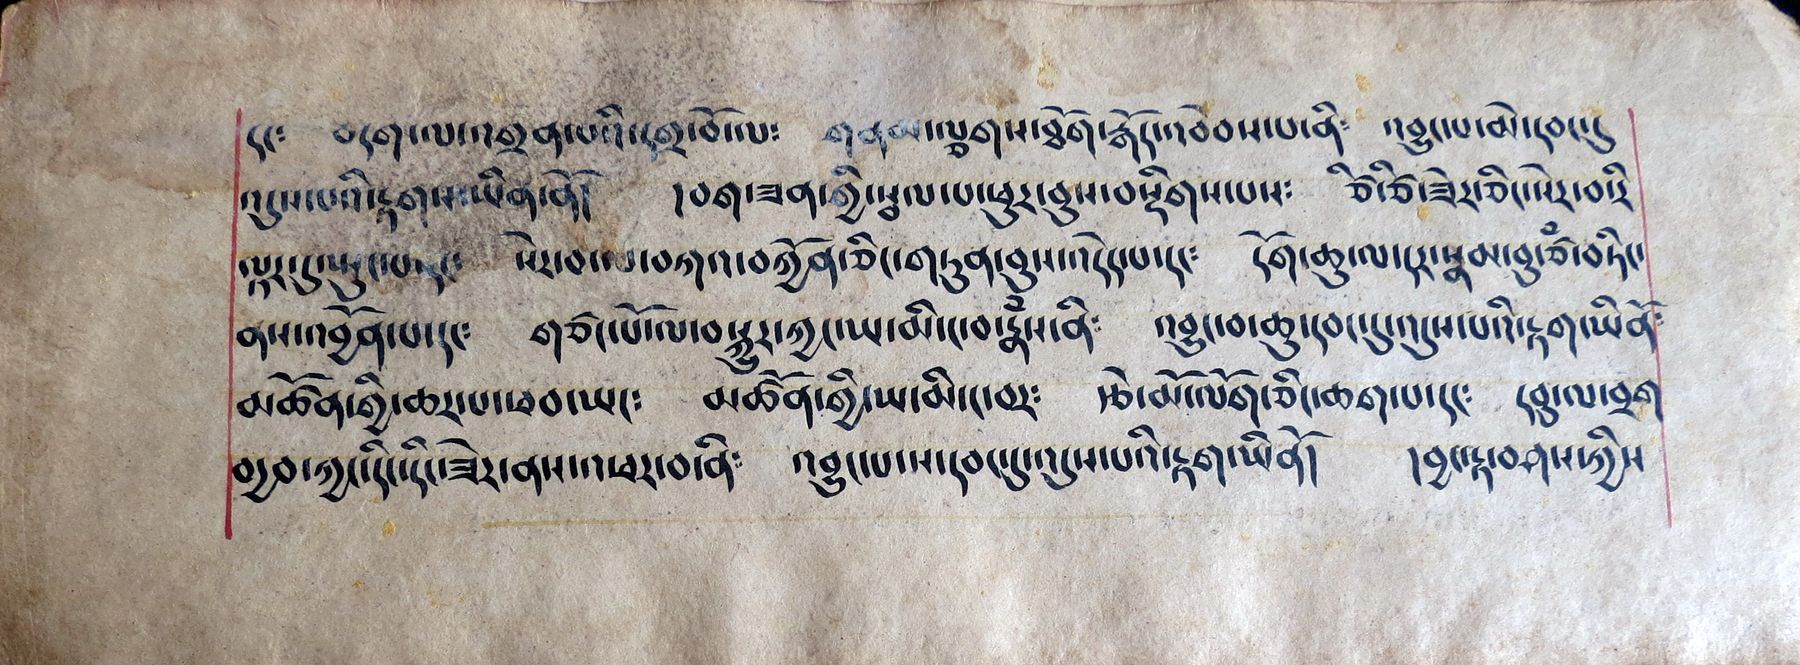དང་བདག་དང་འགྲན་པའི་དགྲ་བོ་ལ། གནམ་ལྕགས་ཐོག་རྒོད་འབེབས་པ་ནི། འབྱུང་བ་མེ་དབང་དུ་
འདུས་པའི་རྟགས་ཡིན་ནོ། །བག་ཟན་གྱི་སྦལ་པ་ཕུར་བུས་བརྡིགས་པས། ཙི་ཙི་ཟེར་ཅིང་སེར་བ་རི་
ལྟར་དུ་སྤུངས་པ་དང་། སེར་བ་ལ་བཀའ་བཀྱོན་ཞིང་གཏུན་བུས་འདེད་པ་དང་། དོག་ཆུ་ལ་དར་སྣམ་བུ་ཙམ་བཏིང་
ནས་འབྱོན་པ་དང་། གཙང་པོ་ལ་བསྐྱུར་ཀྱང་ཡ་མི་ང་བ་རྣམས་ནི། འབྱུང་བ་ཆུ་དབང་དུ་འདུས་པའི་རྟགས་ཡིན་ནོ། 
མཚོན་གྱིས་ཆར་ཕབ་ཡང་། མཚོན་གྱིས་ཡ་མི་ང་བར། རྩེ་མོ་ལོག་ཅིང་ཆག་པ་དང་། དབུ་ལ་བྲག་
བརྒྱབ་ཀྱང་དིང་དིང་ཟེར་ནས་འཕར་བ་ནི། འབྱུང་བ་ས་དབང་དུ་འདུས་པའི་རྟགས་ཡིན་ནོ། །བྱང་རྟ་བཤས་ཀྱི་